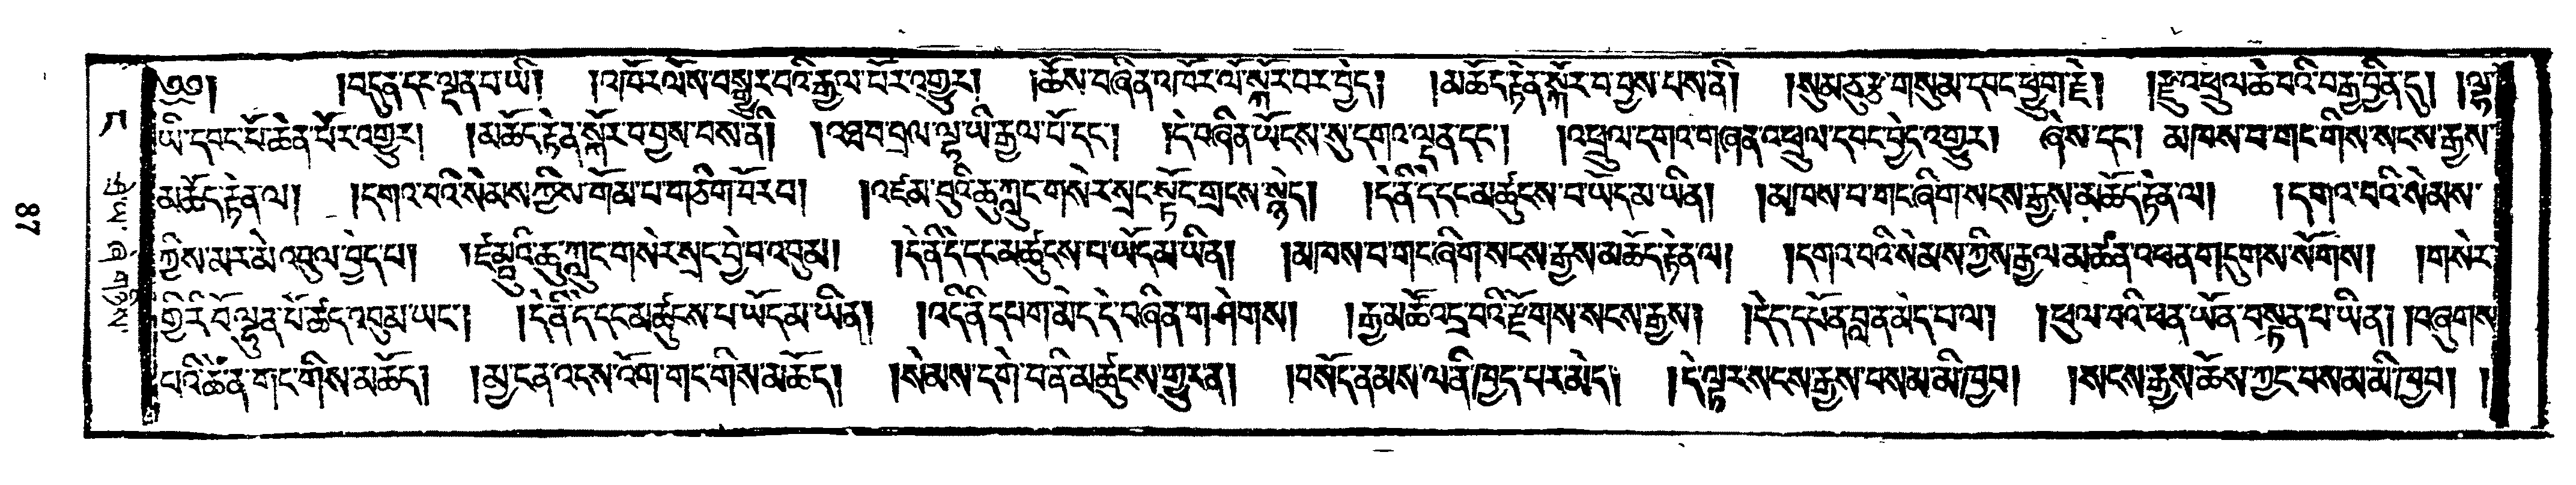༄༅། །བདུན་དང་ལྡན་པ་ཡི། །འཁོར་ལོས་བསྒྱུར་བའི་རྒྱལ་པོར་འགྱུར། །ཆོས་བཞིན་འཁོར་ལོ་བསྐོར་བར་བྱེད། །མཆོད་རྟེན་སྐོར་བ་བྱས་པས་ནི། །སུམ་ཅུ་རྩ་གསུམ་དབང་ཕྱུག་རྗེ། །རྫུ་འཕྲུལ་ཆེ་བའི་བརྒྱ་བྱིན་དུ། །ལྷ་
ཡི་དབང་པོ་ཆེན་པོར་འགྱུར། །མཆོད་རྟེན་སྐོར་བ་བྱས་པས་ནི། །འཐབ་བྲལ་ལྷ་ཡི་རྒྱལ་པོ་དང་། །དེ་བཞིན་ཡོངས་སུ་དགའ་ལྡན་དང་། །འཕྲུལ་དགའ་གཞན་འཕྲུལ་དབང་བྱེད་འགྱུར། །ཞེས་དང་། མཁས་པ་གང་གིས་སངས་རྒྱས་
མཆོད་རྟེན་ལ། །དགའ་བའི་སེམས་ཀྱིས་གོམ་པ་གཅིག་བོར་བ། །འཛམ་བུའི་ཆུ་ཀླུང་གསེར་སྲང་སྟོང་གྲངས་སྙེད། །དེ་ནི་དེ་དང་མཚུངས་པ་ཡོད་མ་ཡིན། །མཁས་པ་གང་ཞིག་སངས་རྒྱས་མཆོད་རྟེན་ལ། །དགའ་བའི་སེམས་
ཀྱིས་མར་མེ་འབུལ་བྱེད་པ། །ཛམྦུའི་ཆུ་ཀླུང་གསེར་སྲང་བྱེ་བ་འབུམ། །དེ་ནི་དེ་དང་མཚུངས་པ་ཡོད་མ་ཡིན། །མཁས་པ་གང་ཞིག་སངས་རྒྱས་མཆོད་རྟེན་ལ། །དགའ་བའི་སེམས་ཀྱིས་རྒྱལ་མཚན་འཕན་གུགས་སོགས། །གསེར་
གྱི་རི་བོ་ལྷུན་པོ་ཚད་འབུམ་ཡང་། །དེ་ནི་དེ་དང་མཚུངས་པ་ཡོད་མ་ཡིན། །འདི་ནི་དཔག་མེད་དེ་བཞིན་གཤེགས། །རྒྱ་མཚོ་འདྲ་བའི་རྫོགས་སངས་རྒྱས། །དེད་དཔོན་བླ་ན་མེད་པ་ལ། །ཕུལ་བའི་ཕན་ཡོན་བསྟན་པ་ཡིན། །བཞུགས་
པའི་ཚེ་ན་གང་གིས་མཆོད། །མྱ་ངན་འདས་འོག་གང་གིས་མཆོད། །སེམས་དགེ་བ་ནི་མཚུངས་གྱུར་ན། །བསོད་ནམས་ལ་ནི་ཁྱད་པར་མེད། །དེ་ལྟར་སངས་རྒྱས་བསམ་མི་ཁྱབ། །སངས་རྒྱས་ཆོས་ཀྱང་བསམ་མི་ཁྱབ། །